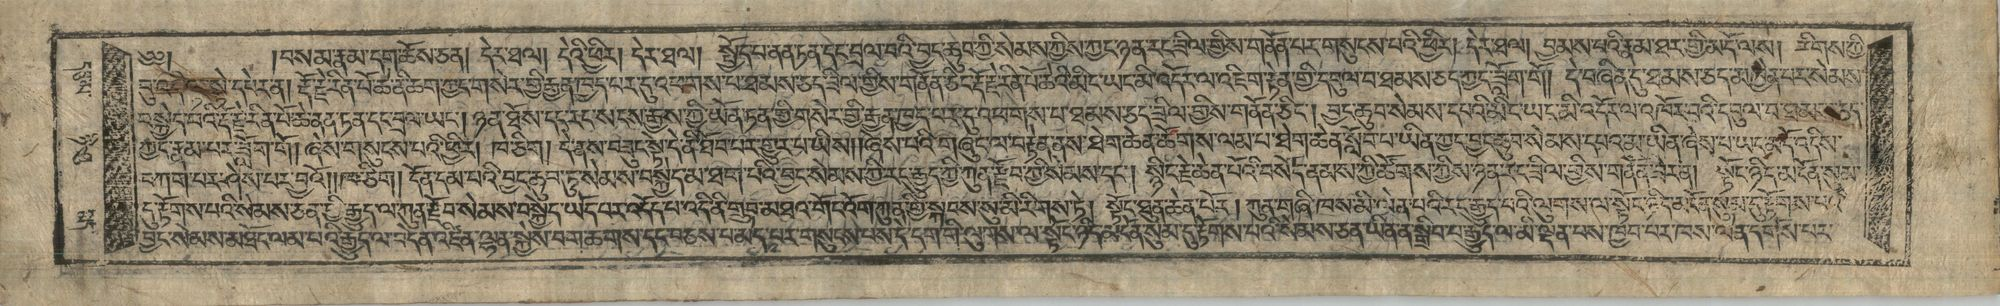༄༅། །པས་མ་རྣམ་དག་ཆོས་ཅན། དེར་ཐལ། དེའི་ཕྱིར། དེར་ཐལ། སྤྱོད་པ་ནན་ཏན་དང་བྲལ་བའི་བྱང་ཆུབ་ཀྱི་སེམས་ཀྱིས་ཀྱང་ཉན་རང་ཟིལ་གྱིས་གནོན་པར་གསུངས་པའི་ཕྱིར། དེར་ཐལ། བྱམས་པའི་རྣམ་ཐར་གྱི་མདོ་ལས། རིགས་ཀྱི་
བུ་འདི་ལྟ་སྟེ་དཔེར་ན། རྡོ་རྗེ་རིན་པོ་ཆེ་ནི་ཆག་ཀྱང་གསེར་གྱི་རྒྱན་ཁྱད་པར་དུ་འཕགས་པ་ཐམས་ཅད་ཟིལ་གྱིས་གནོན་ཅིང་རྡོ་རྗེ་རིན་པོ་ཆེའི་མིང་ཡང་མི་འདོར་ལ་འཇིག་རྟེན་གྱི་དབུལ་བ་ཐམས་ཅད་ཀྱང་ཟློག་གོ ། དེ་བཞིན་དུ་ཐམས་ཅད་མཁྱེན་པར་སེམས་
བསྐྱེད་པའི་རྡོ་རྗེ་རིན་པོ་ཆེན་ན་ཏན་དང་བྲལ་ཡང་། ཉན་ཐོས་དང་རང་སངས་རྒྱས་ཀྱི་ཡོན་ཏན་གྱི་གསེར་གྱི་རྒྱན་ཁྱད་པར་དུ་འཕགས་པ་ཐམས་ཅད་ཟིལ་གྱིས་གནོན་ཅིང་། བྱང་ཆུབ་སེམས་དཔའི་མིང་ཡང་མི་འདོར་ལ་འཁོར་བའི་དབུལ་བ་ཐམས་ཅད་
ཀྱང་རྣམ་པར་ཟློག་གོ ། ཞེས་གསུངས་པའི་ཕྱིར། ཁ་ཅིག །དེ་ནས་བཟུང་སྟེ་དེ་ནི་ཐོབ་པར་གྱུར་པ་ཡིས། །ཞེས་པའི་གཞུང་ལ་བརྟེན་ནས་ཐེག་ཆེན་ཚོགས་ལམ་པ་ཐེག་ཆེན་སློབ་པ་ཡིན་ཀྱང་བྱང་ཆུབ་སེམས་དཔའ་མ་ཡིན་ཞེས་པ་ཡང་མདོ་འདྲིས་
བཀག་པར་ཤེས་པར་བྱའོ། །ཁ་ཅིག །དོན་དམ་པའི་བྱང་ཆུབ་ཏུ་སེམས་བསྐྱེད་མ་ཐག་པའི་བྱང་སེམས་ཀྱི་རང་རྒྱུད་ཀྱི་ཀུན་རྫོབ་ཀྱི་སེམས་དང་། སྙིང་རྗེ་ཆེན་པོའི་བསོད་ནམས་ཀྱི་ཚོགས་ཀྱིས་ཉན་རང་ཟིལ་གྱིས་གནོན་ཟེར་ན། སྟོང་ཉིད་མངོན་སུམ་
དུ་རྟོགས་པའི་སེམས་ཅན་གྱི་རྒྱུད་ལ་ཀུན་རྫོབ་སེམས་བསྐྱེད་ཡོད་པར་འདོད་པ་འདི་ནི་གྲུབ་མཐའ་གོང་འོག་ཀུན་གྱི་སྐབས་སུ་མི་རིགས་ཏེ། །སྟོང་ཐུན་ཆེན་པོར། ཀུན་གཞི་ཁས་མི་ལེན་པའི་རང་རྒྱུད་པའི་ལུགས་ལ་སྟོང་ཉིད་མངོན་སུམ་དུ་རྟོགས་པའི་
བྱང་སེམས་མཐོང་ལམ་པའི་རྒྱུད་ལ་བདེན་འཛིན་ལྷན་སྐྱེས་བག་ཆགས་དང་བཅས་པ་མེད་པར་གསུངས་པས་དེ་དག་གི་ལུགས་ལ་སྟོང་ཉིད་མངོན་སུམ་དུ་རྟོགས་པའི་སེམས་ཅན་ཡིན་ན་སྒྲིབ་པ་རྒྱུད་ལ་མི་ལྡན་པས་ཁྱབ་པར་ཁས་ལེན་དགོས་པར་